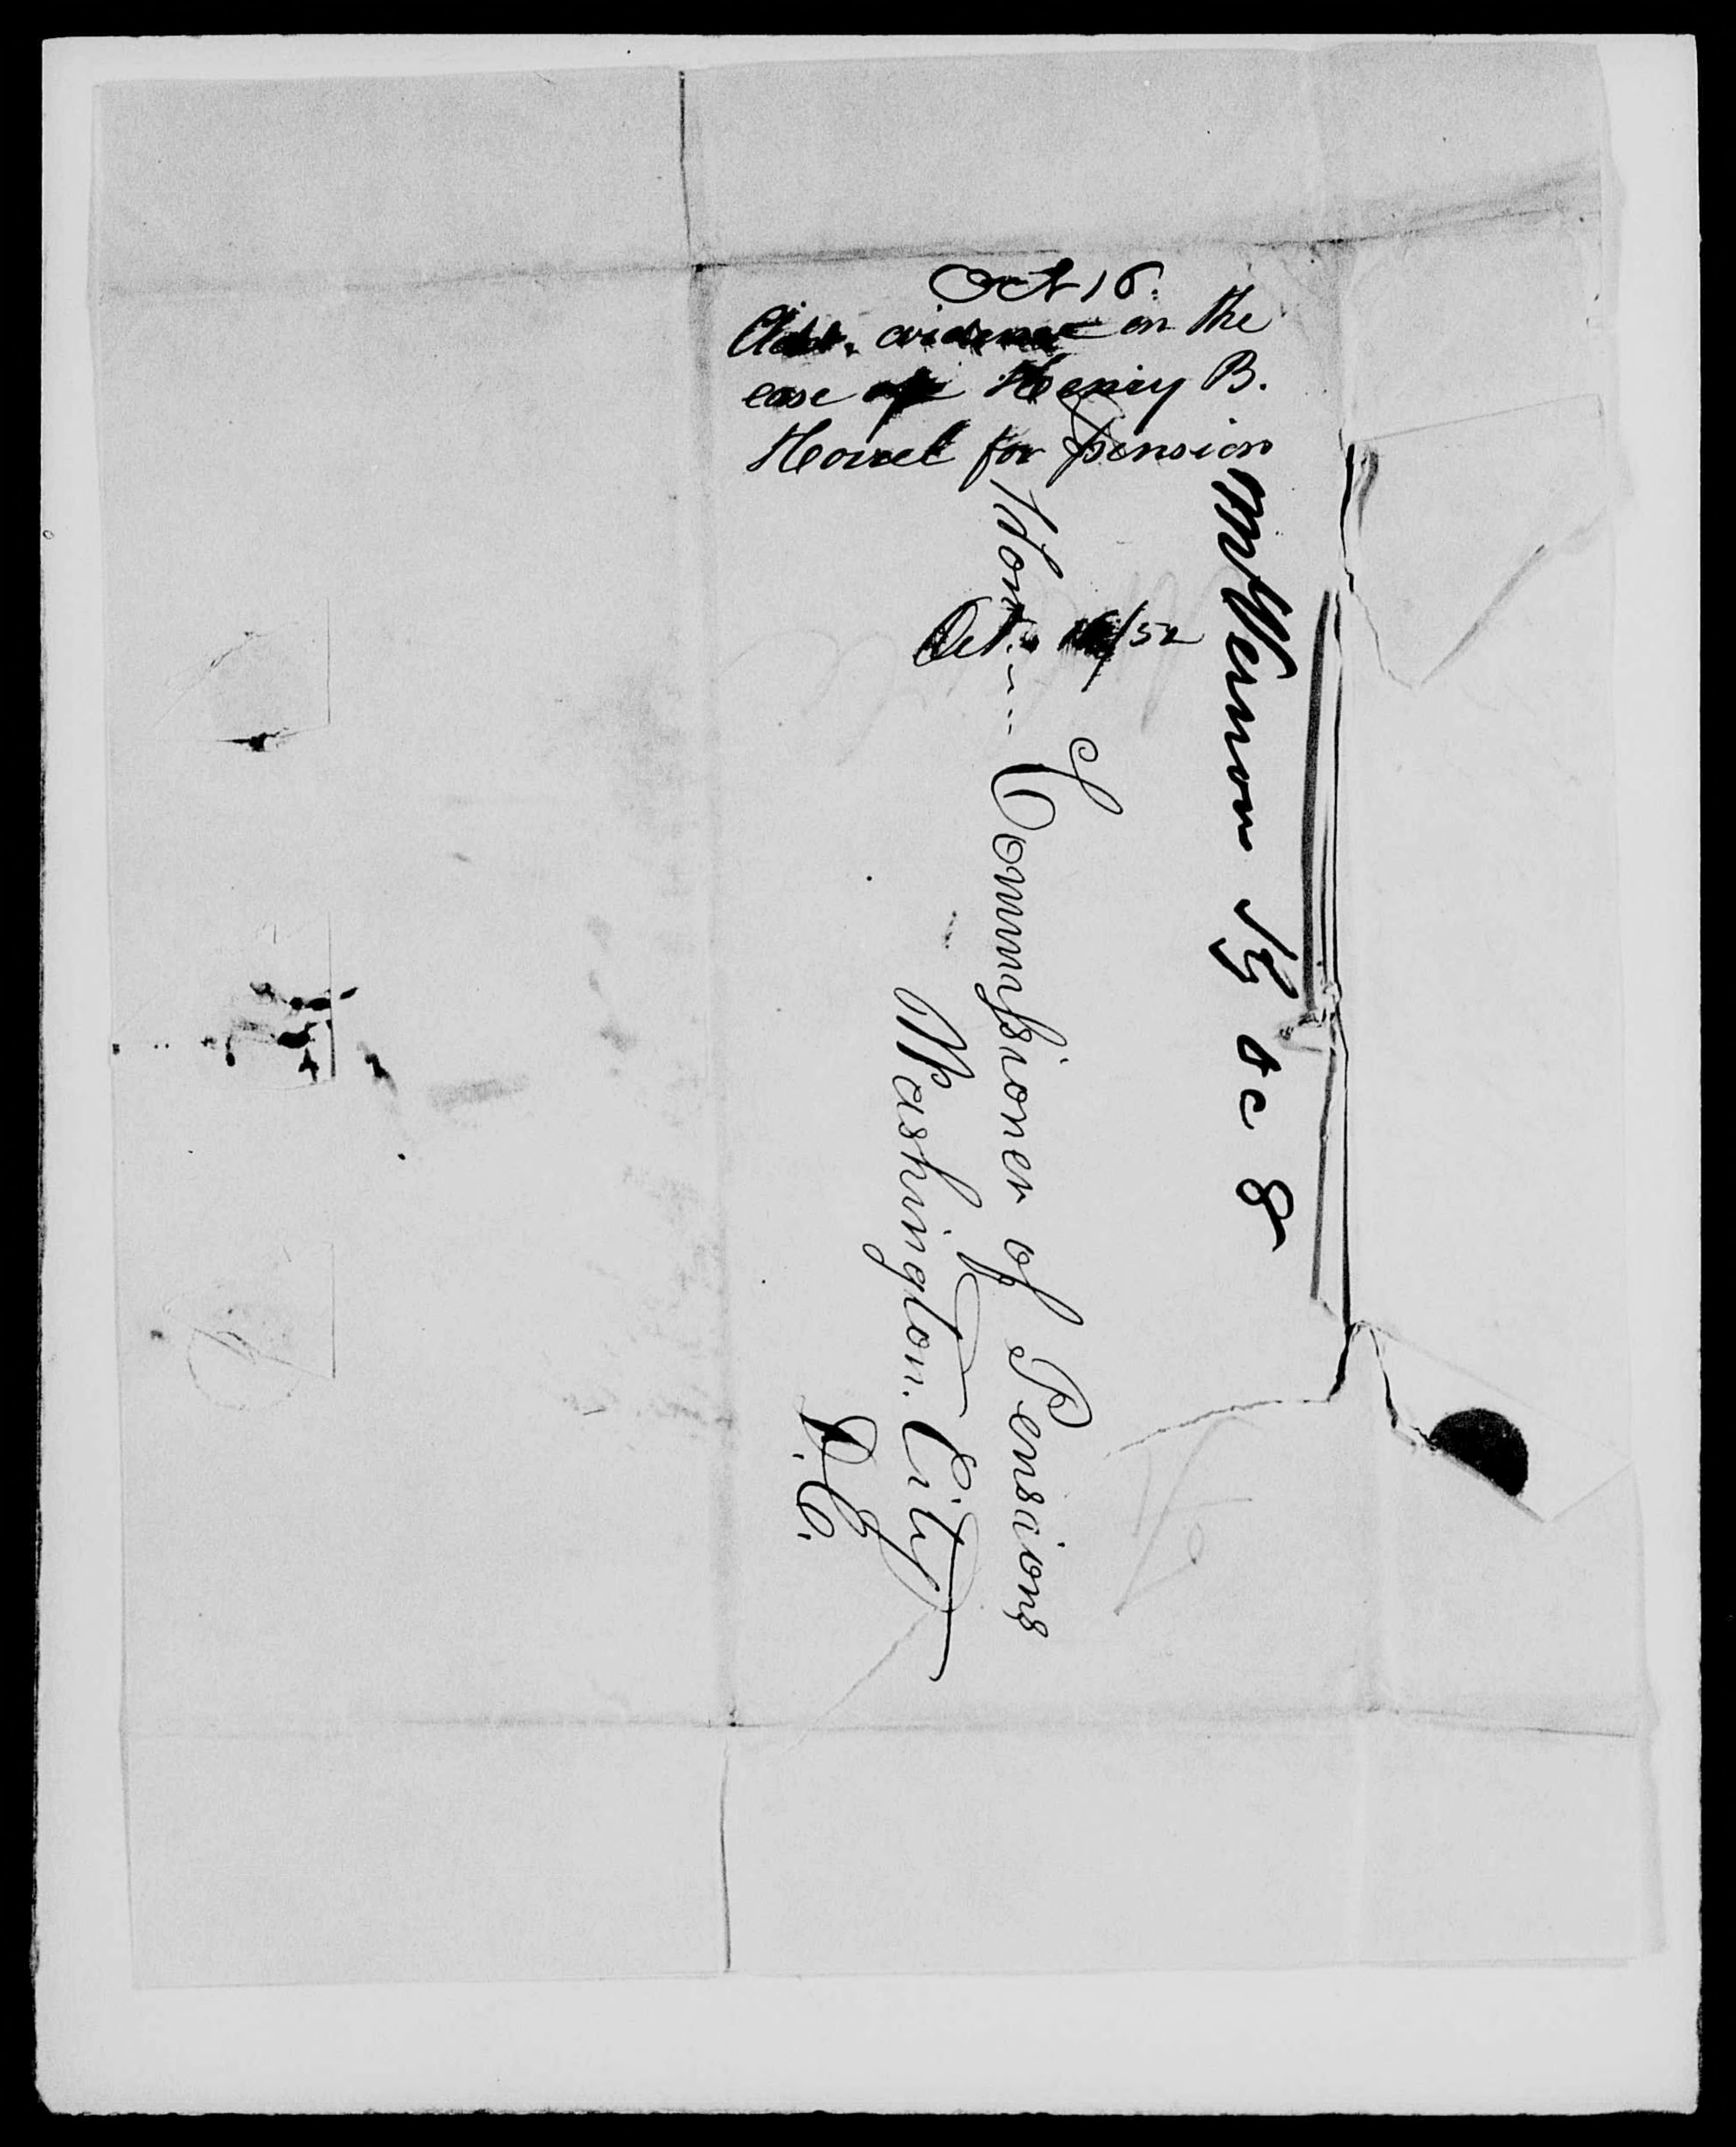Honorable Commissioner of Pensions
Washington City, D.C

Oct 16
Addl evidence on the
case of Henry B
Horrell for pension

Oct 16/52

Mt Verson, Ky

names: Henry B Horrel, Mc Vernon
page: 14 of 15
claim: rejected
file: R. 5234, Henry B Horrell, Md.